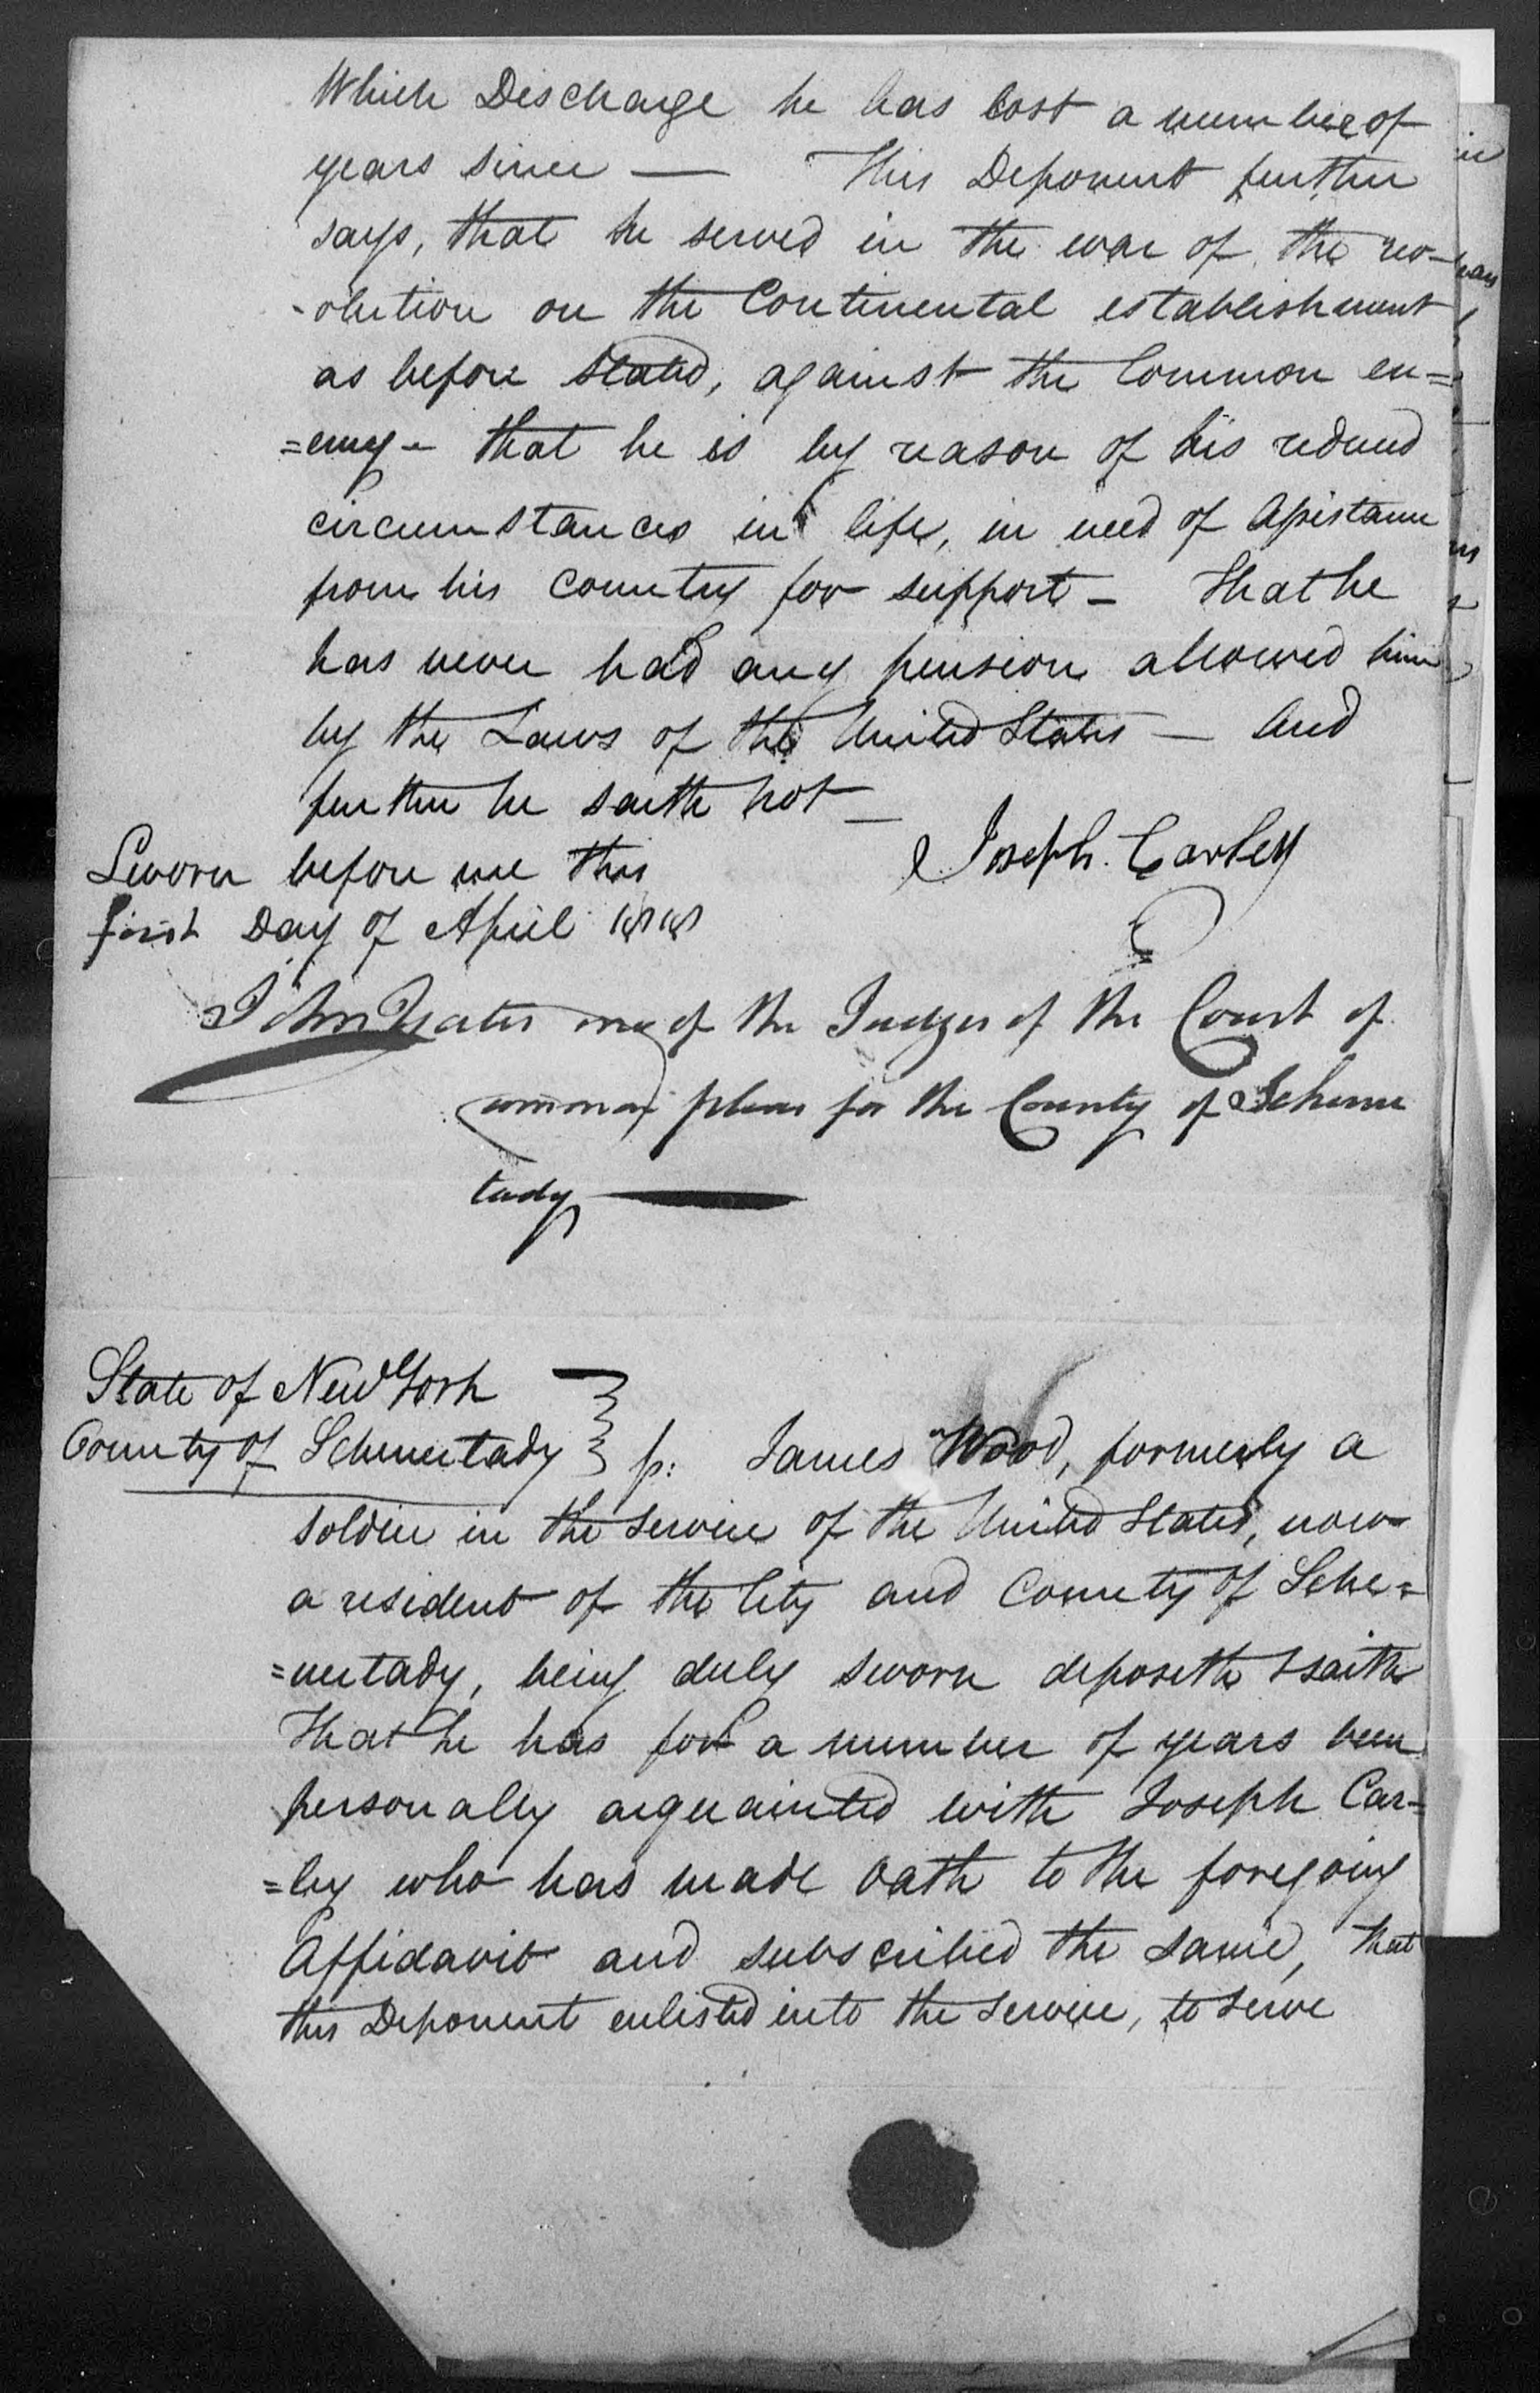which discharge he has lost a number of years since - This deponent further says, that he served  in the war of the revolution on the Continental establishment as before stated, against the Common enemy - that he is by reason of his reduced circumstances in life, in need of assistance from his country for support, that he has never had any pension allowed him by the Laws of the United States  - and further he saith not.

Joseph Carley

Sworn before me this
first day of April 1818

John Yates one of the Judges of the Court of Common Pleas for the County of Schenectady


State of New York
County of Schenectady

James Wood, formerly a soldier in the service of the United States now a resident of the City and County of Schenectady, being duly sworn deposeth and saith that he has for a number of years been personally acquainted with Joseph Carley who has made oath to the foregoing affidavit and subscribed the same, that the deponent enlisted into the service, to serve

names: Joseph Carley, Joseph Carley, James Wood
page: 5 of 16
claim: survivor's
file: S. 44371, Joseph Carley, New York.